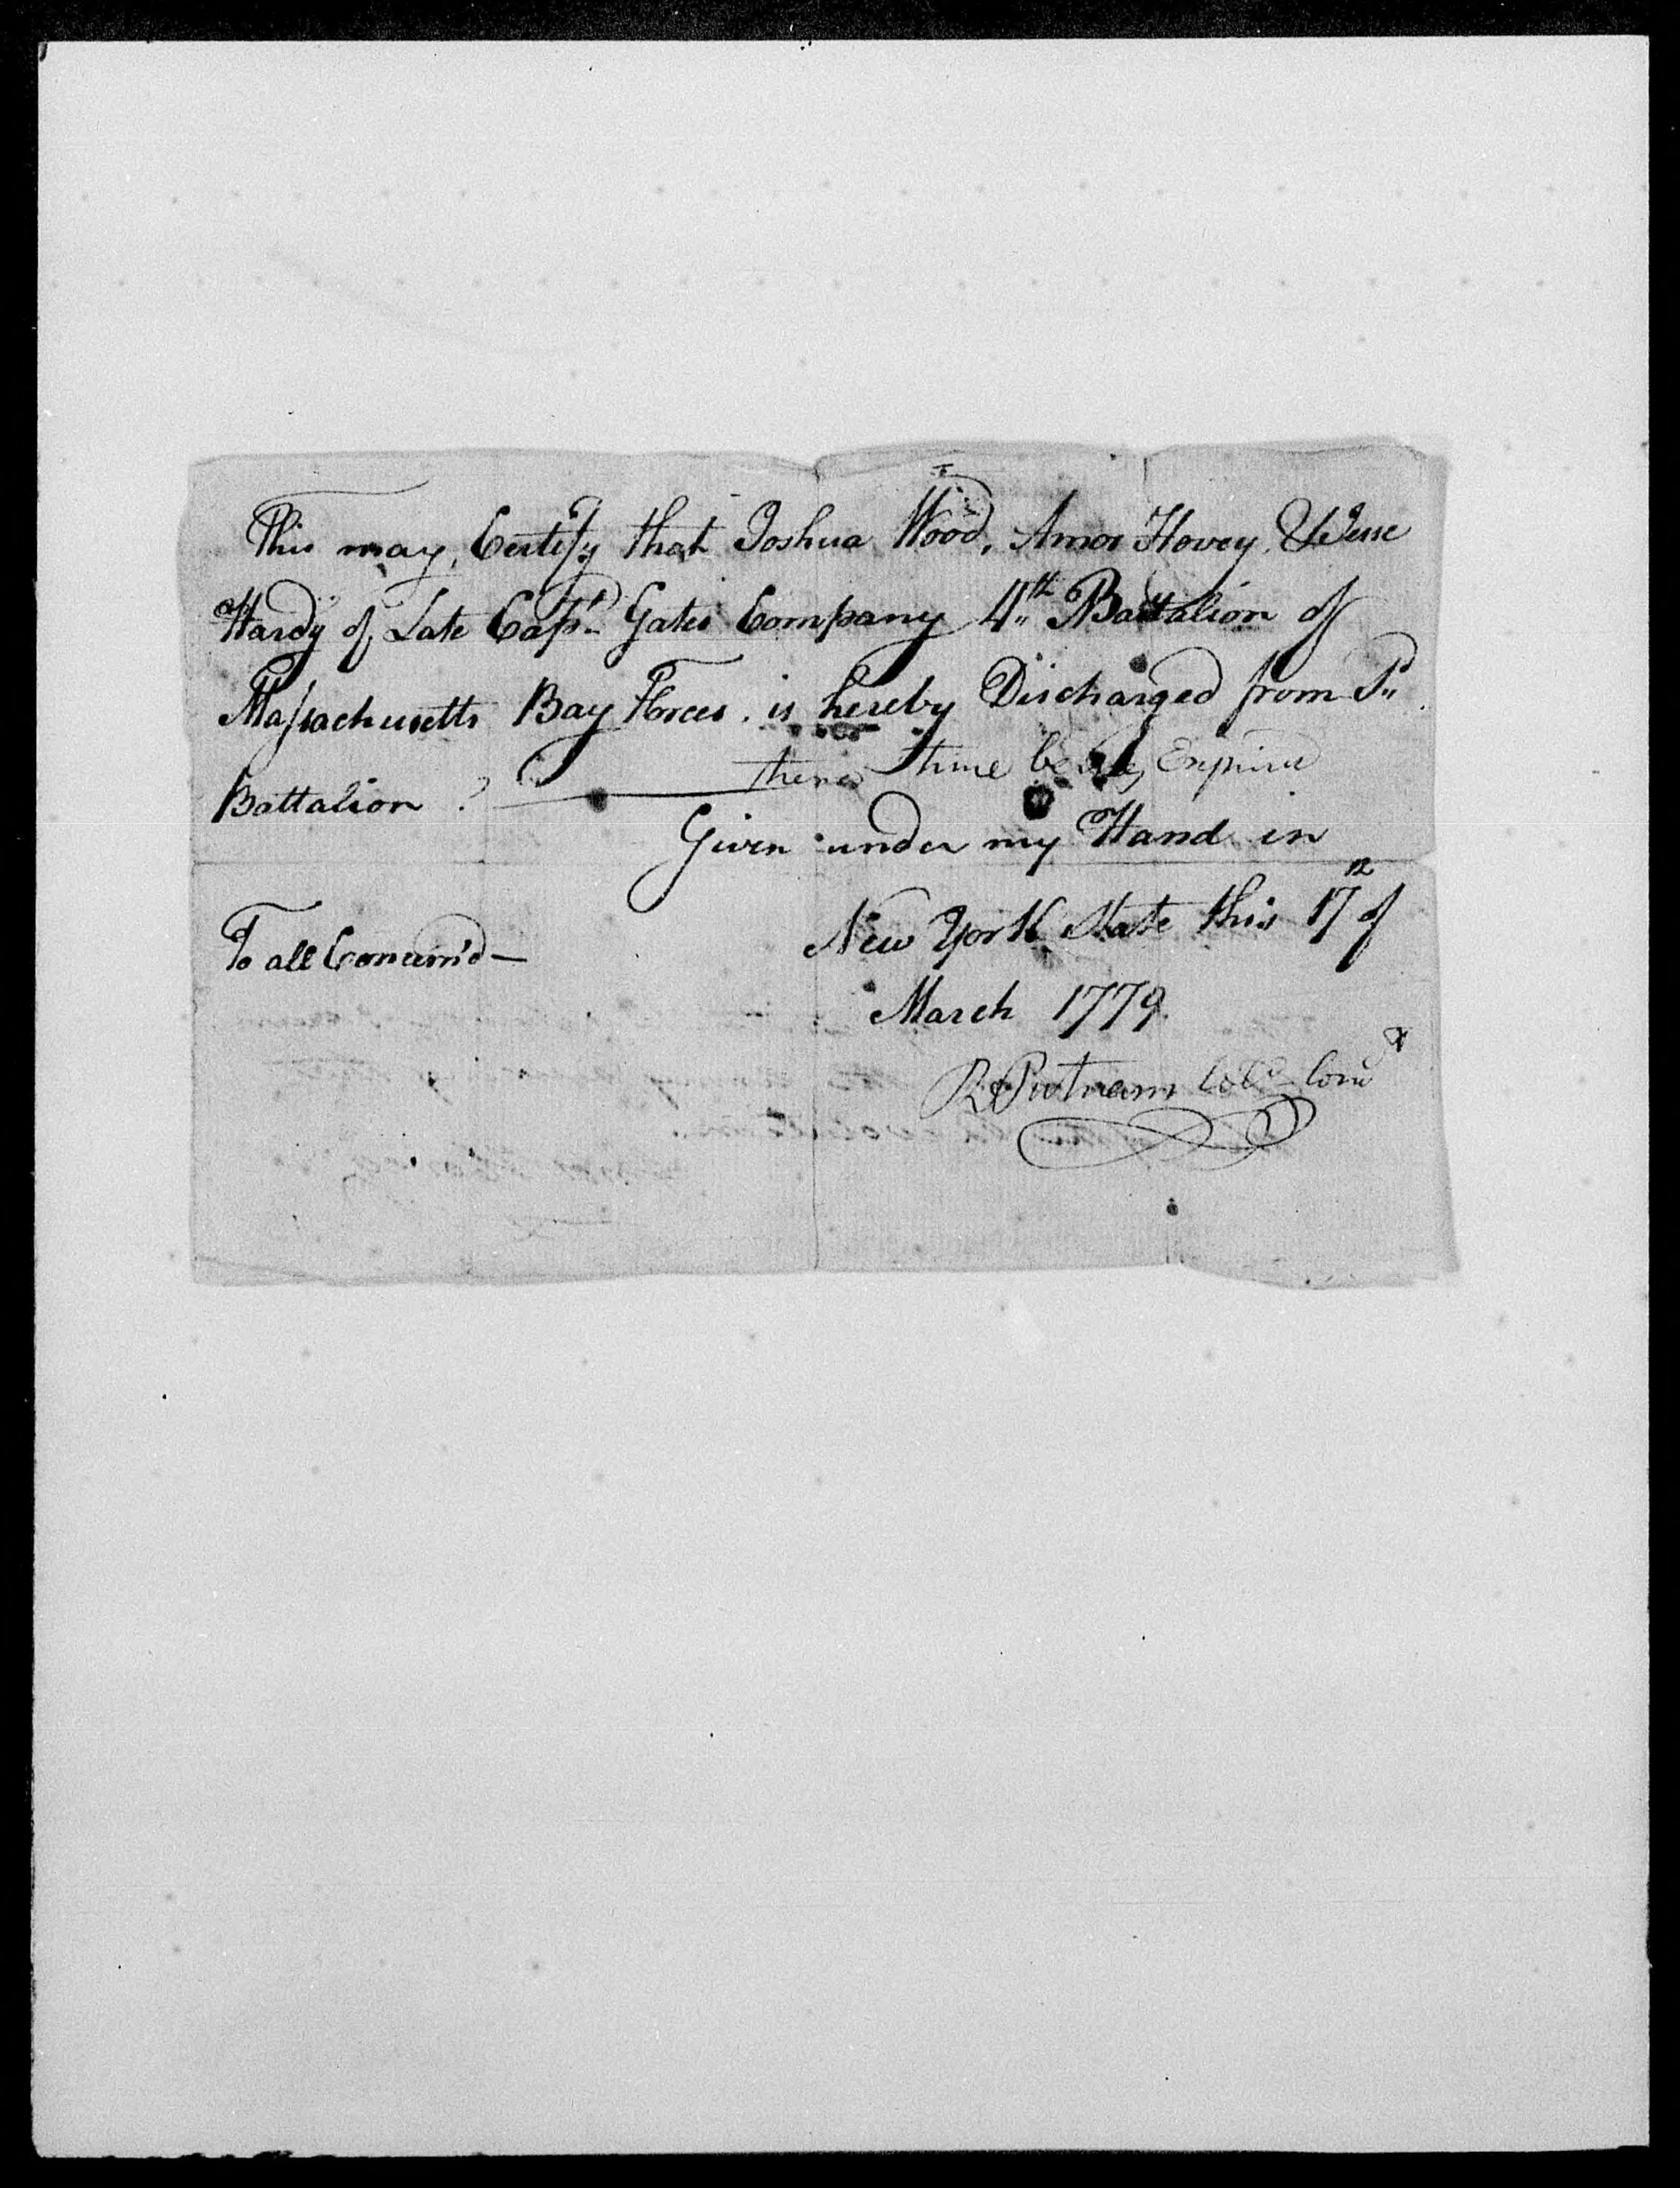This may Certify that Joshua Wood, Amos Hovey, & Jesse Hardy or Late Capt Gates Company, 4th Battalion of Massachusetts Bay Forces is hereby Discharged from in Battalion. Thine time be Esquire

Given under my Hand in New York State this 7th ofMarch 1779 R. Putnam Co

To all concerned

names: Amos Hovey, R Putnam, Jesse Hardy, Joshua Wood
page: 22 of 67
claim: widow's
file: W. 23183, Jesse Hardy, Mass.